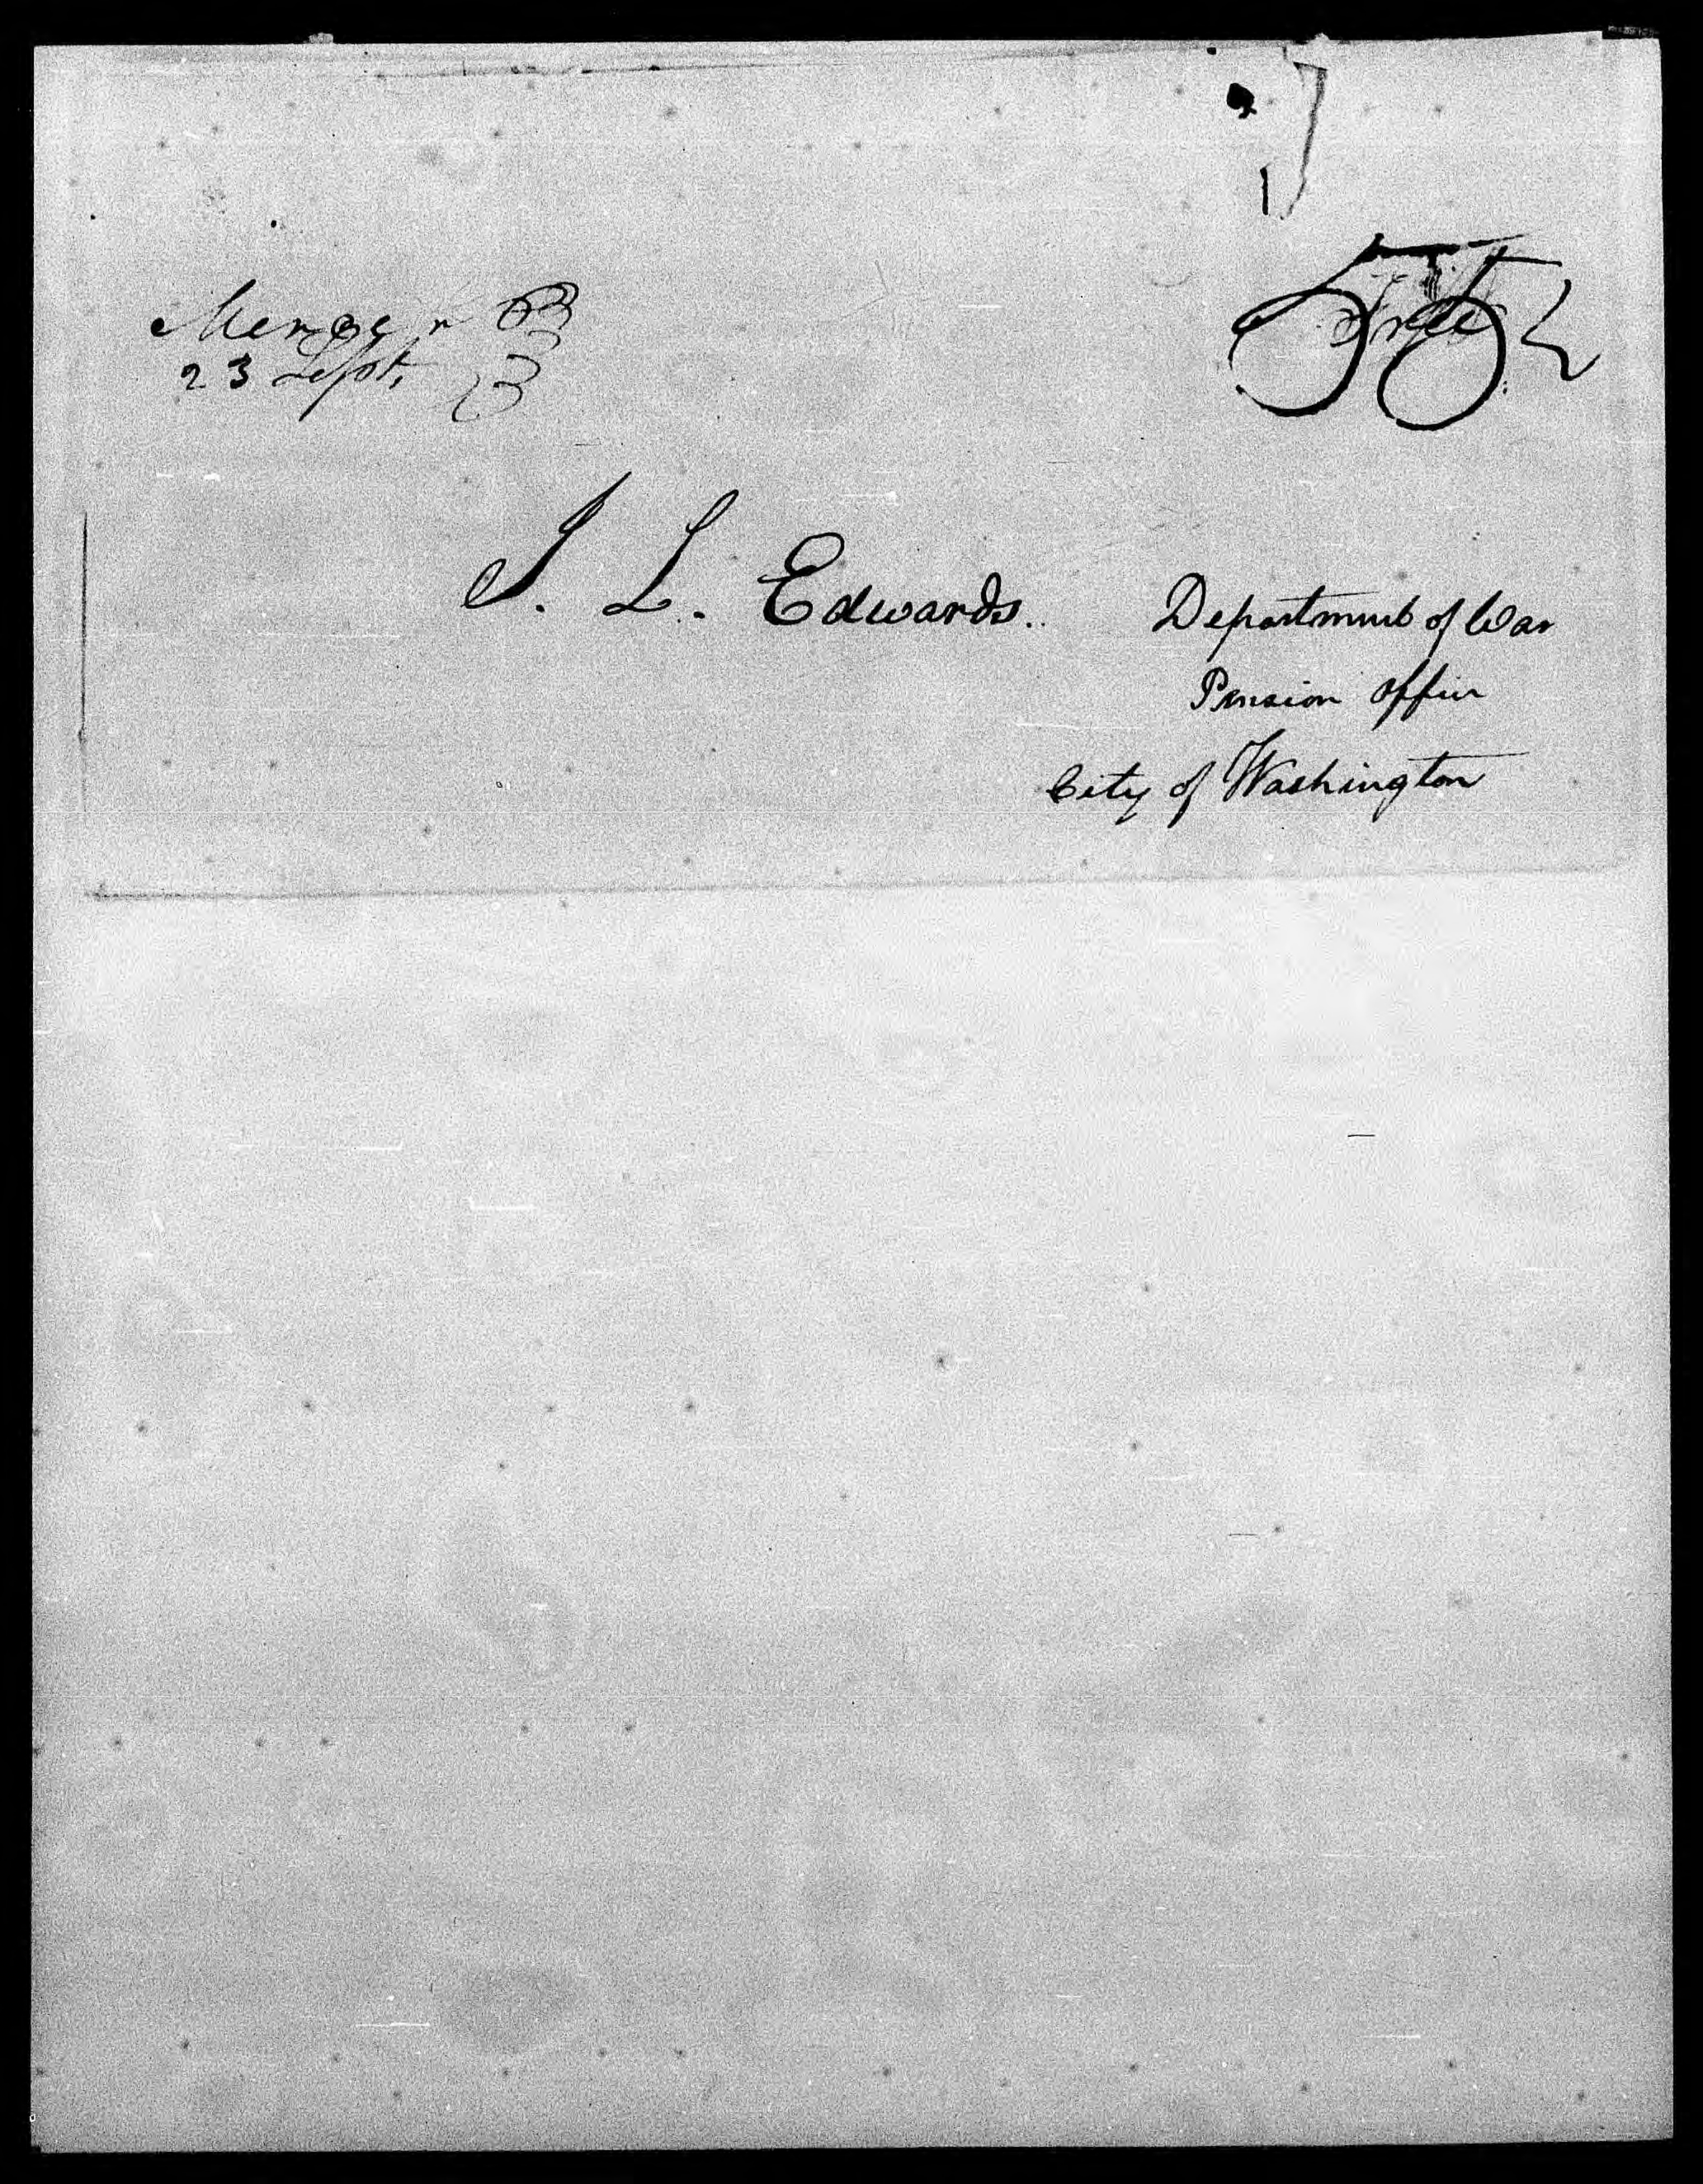Mercer
23 Sept 3
J.L. Edwards Department of War
Pension Office
City of Washington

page: 30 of 59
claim: widow's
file: W 3703, for Robert Mc Donald, Pennsylvania